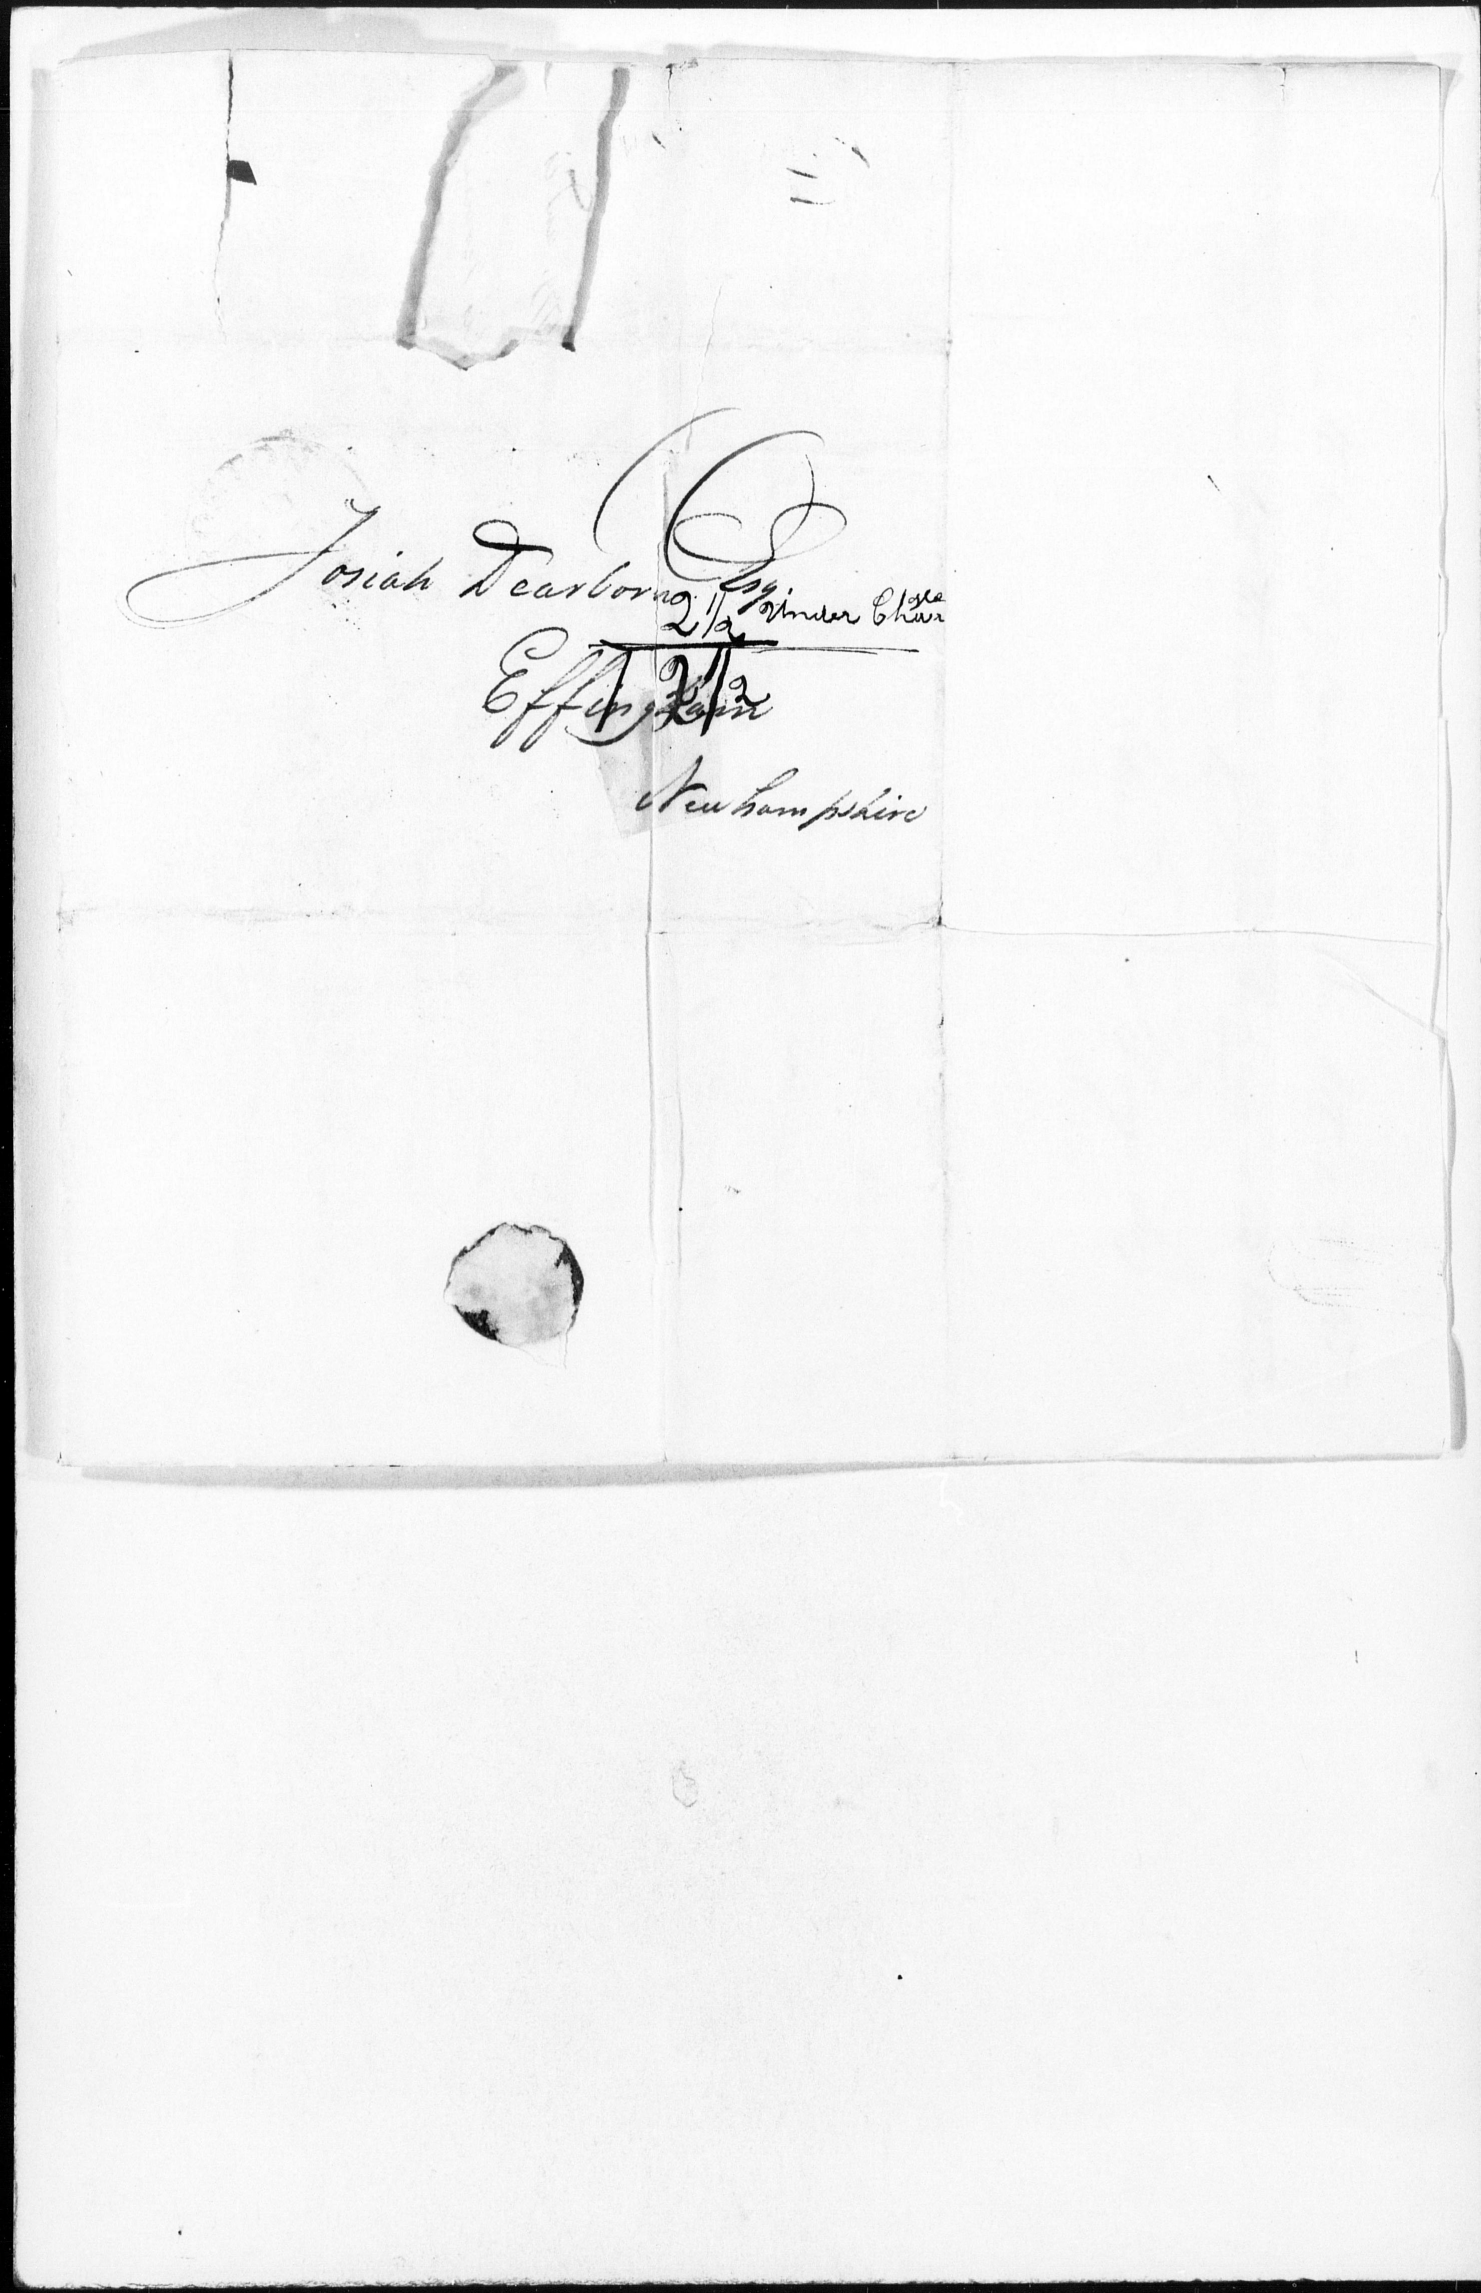Josiah Dearborn [illegible]

Effingham
New Hampshire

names: Josiah Dearborne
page: 17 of 23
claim: widow's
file: W. 1693, John Andrews, Mass.